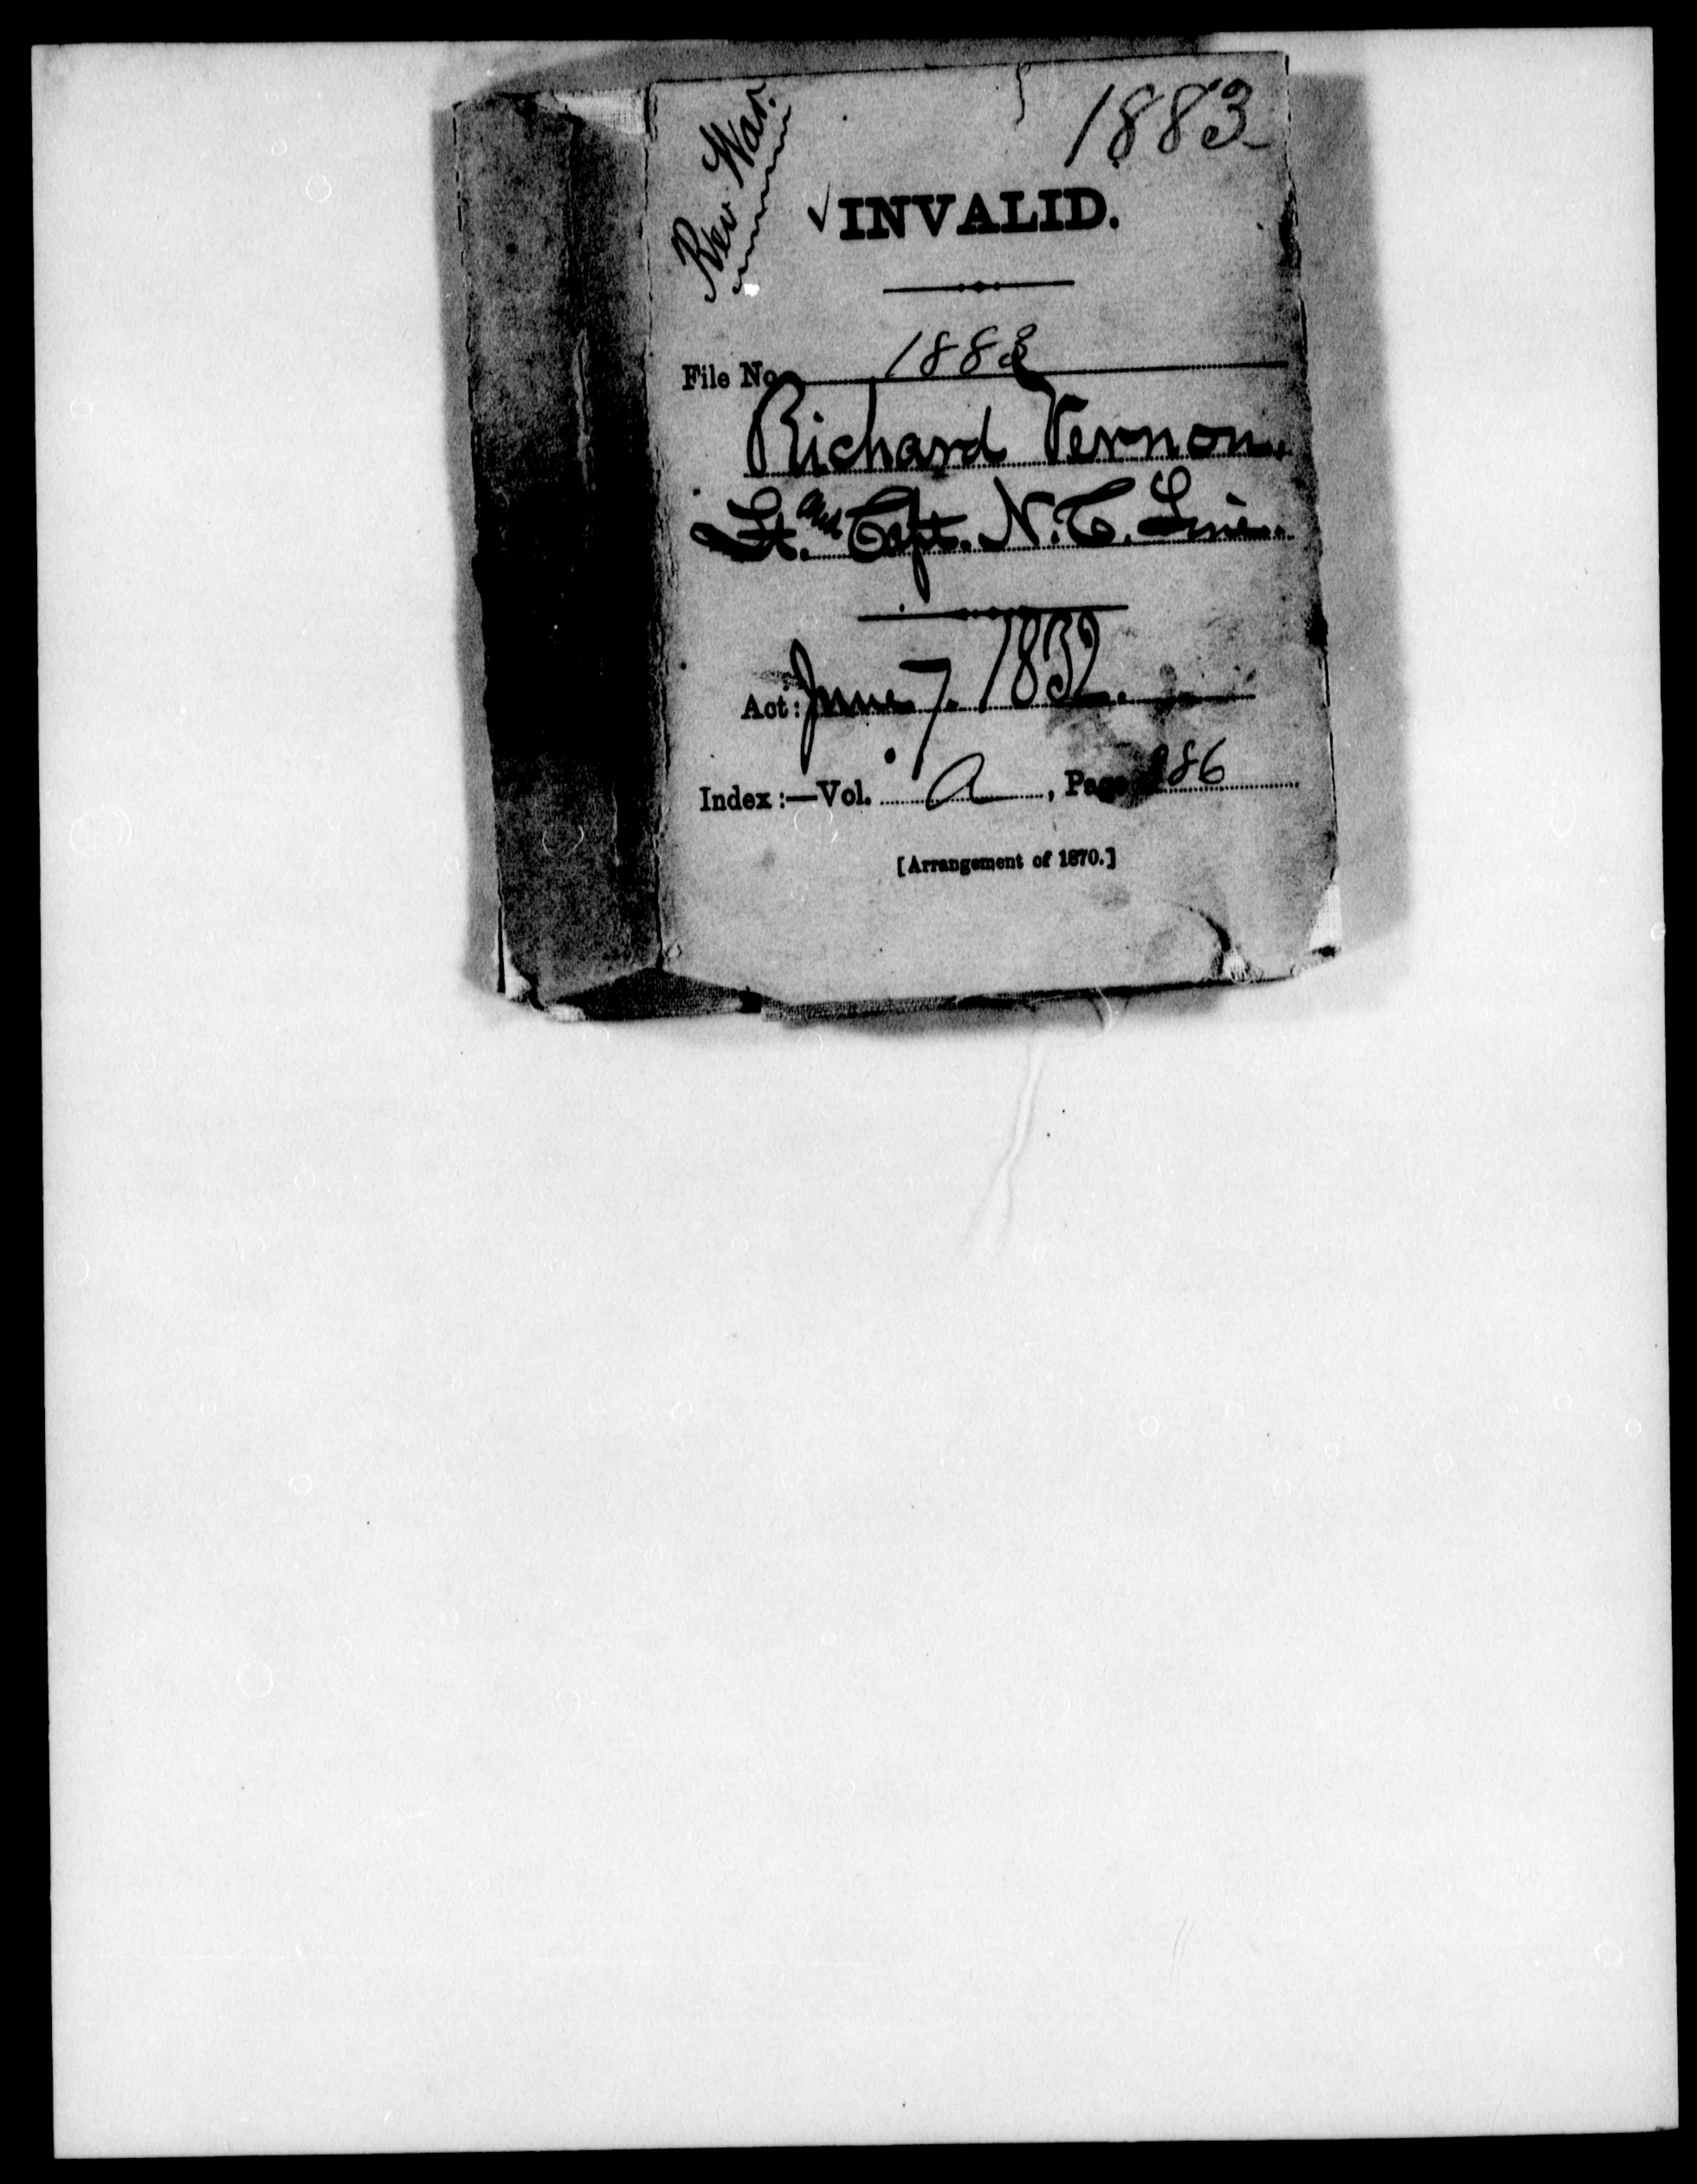Rev. War.

1883

INVALID.
File No 1883
Richard Vernon
Lt. and Capt. N. C. Line

Act: June 7. 1832.
Index: - Vol. A, Page 286

[Arrangement of 1870]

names: Richard Vernon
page: 78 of 105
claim: survivor's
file: S. 1883, Richard Vernon, N.C.